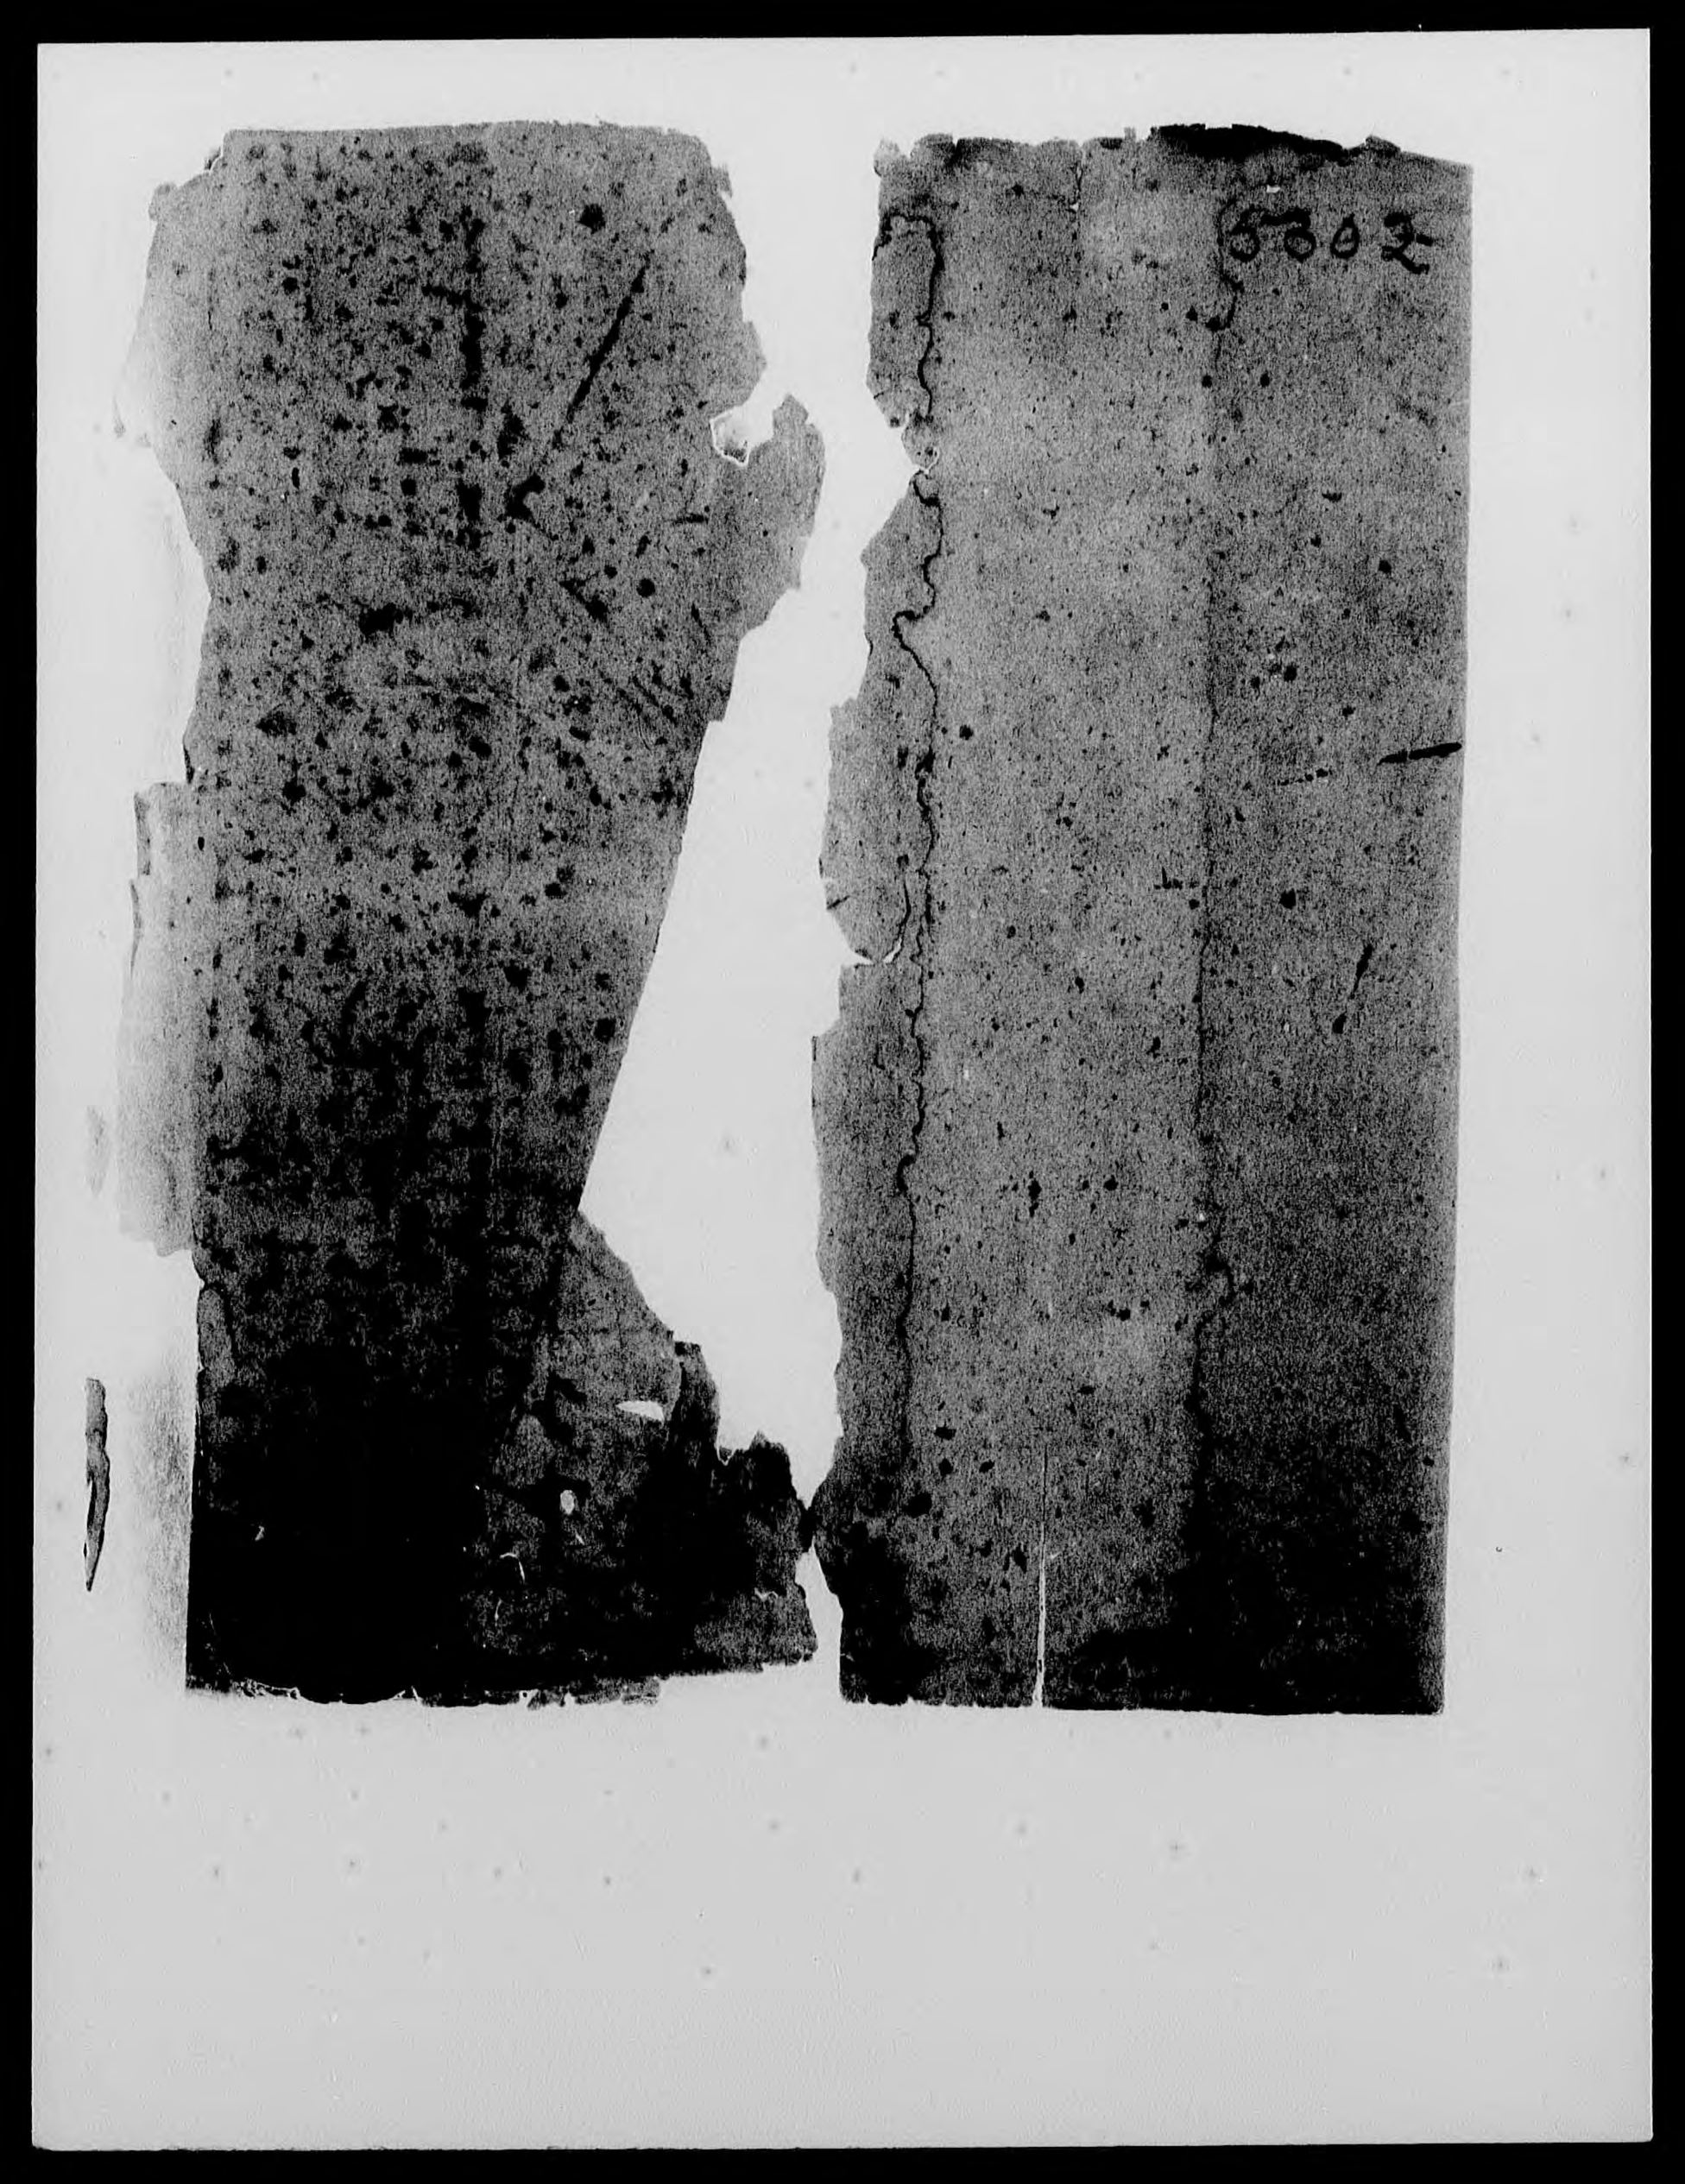[two pieces of old parchment, appear charred, top of right side has the following number]
5302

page: 2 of 83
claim: widow's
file: W. 5946, John Brandon, Penn